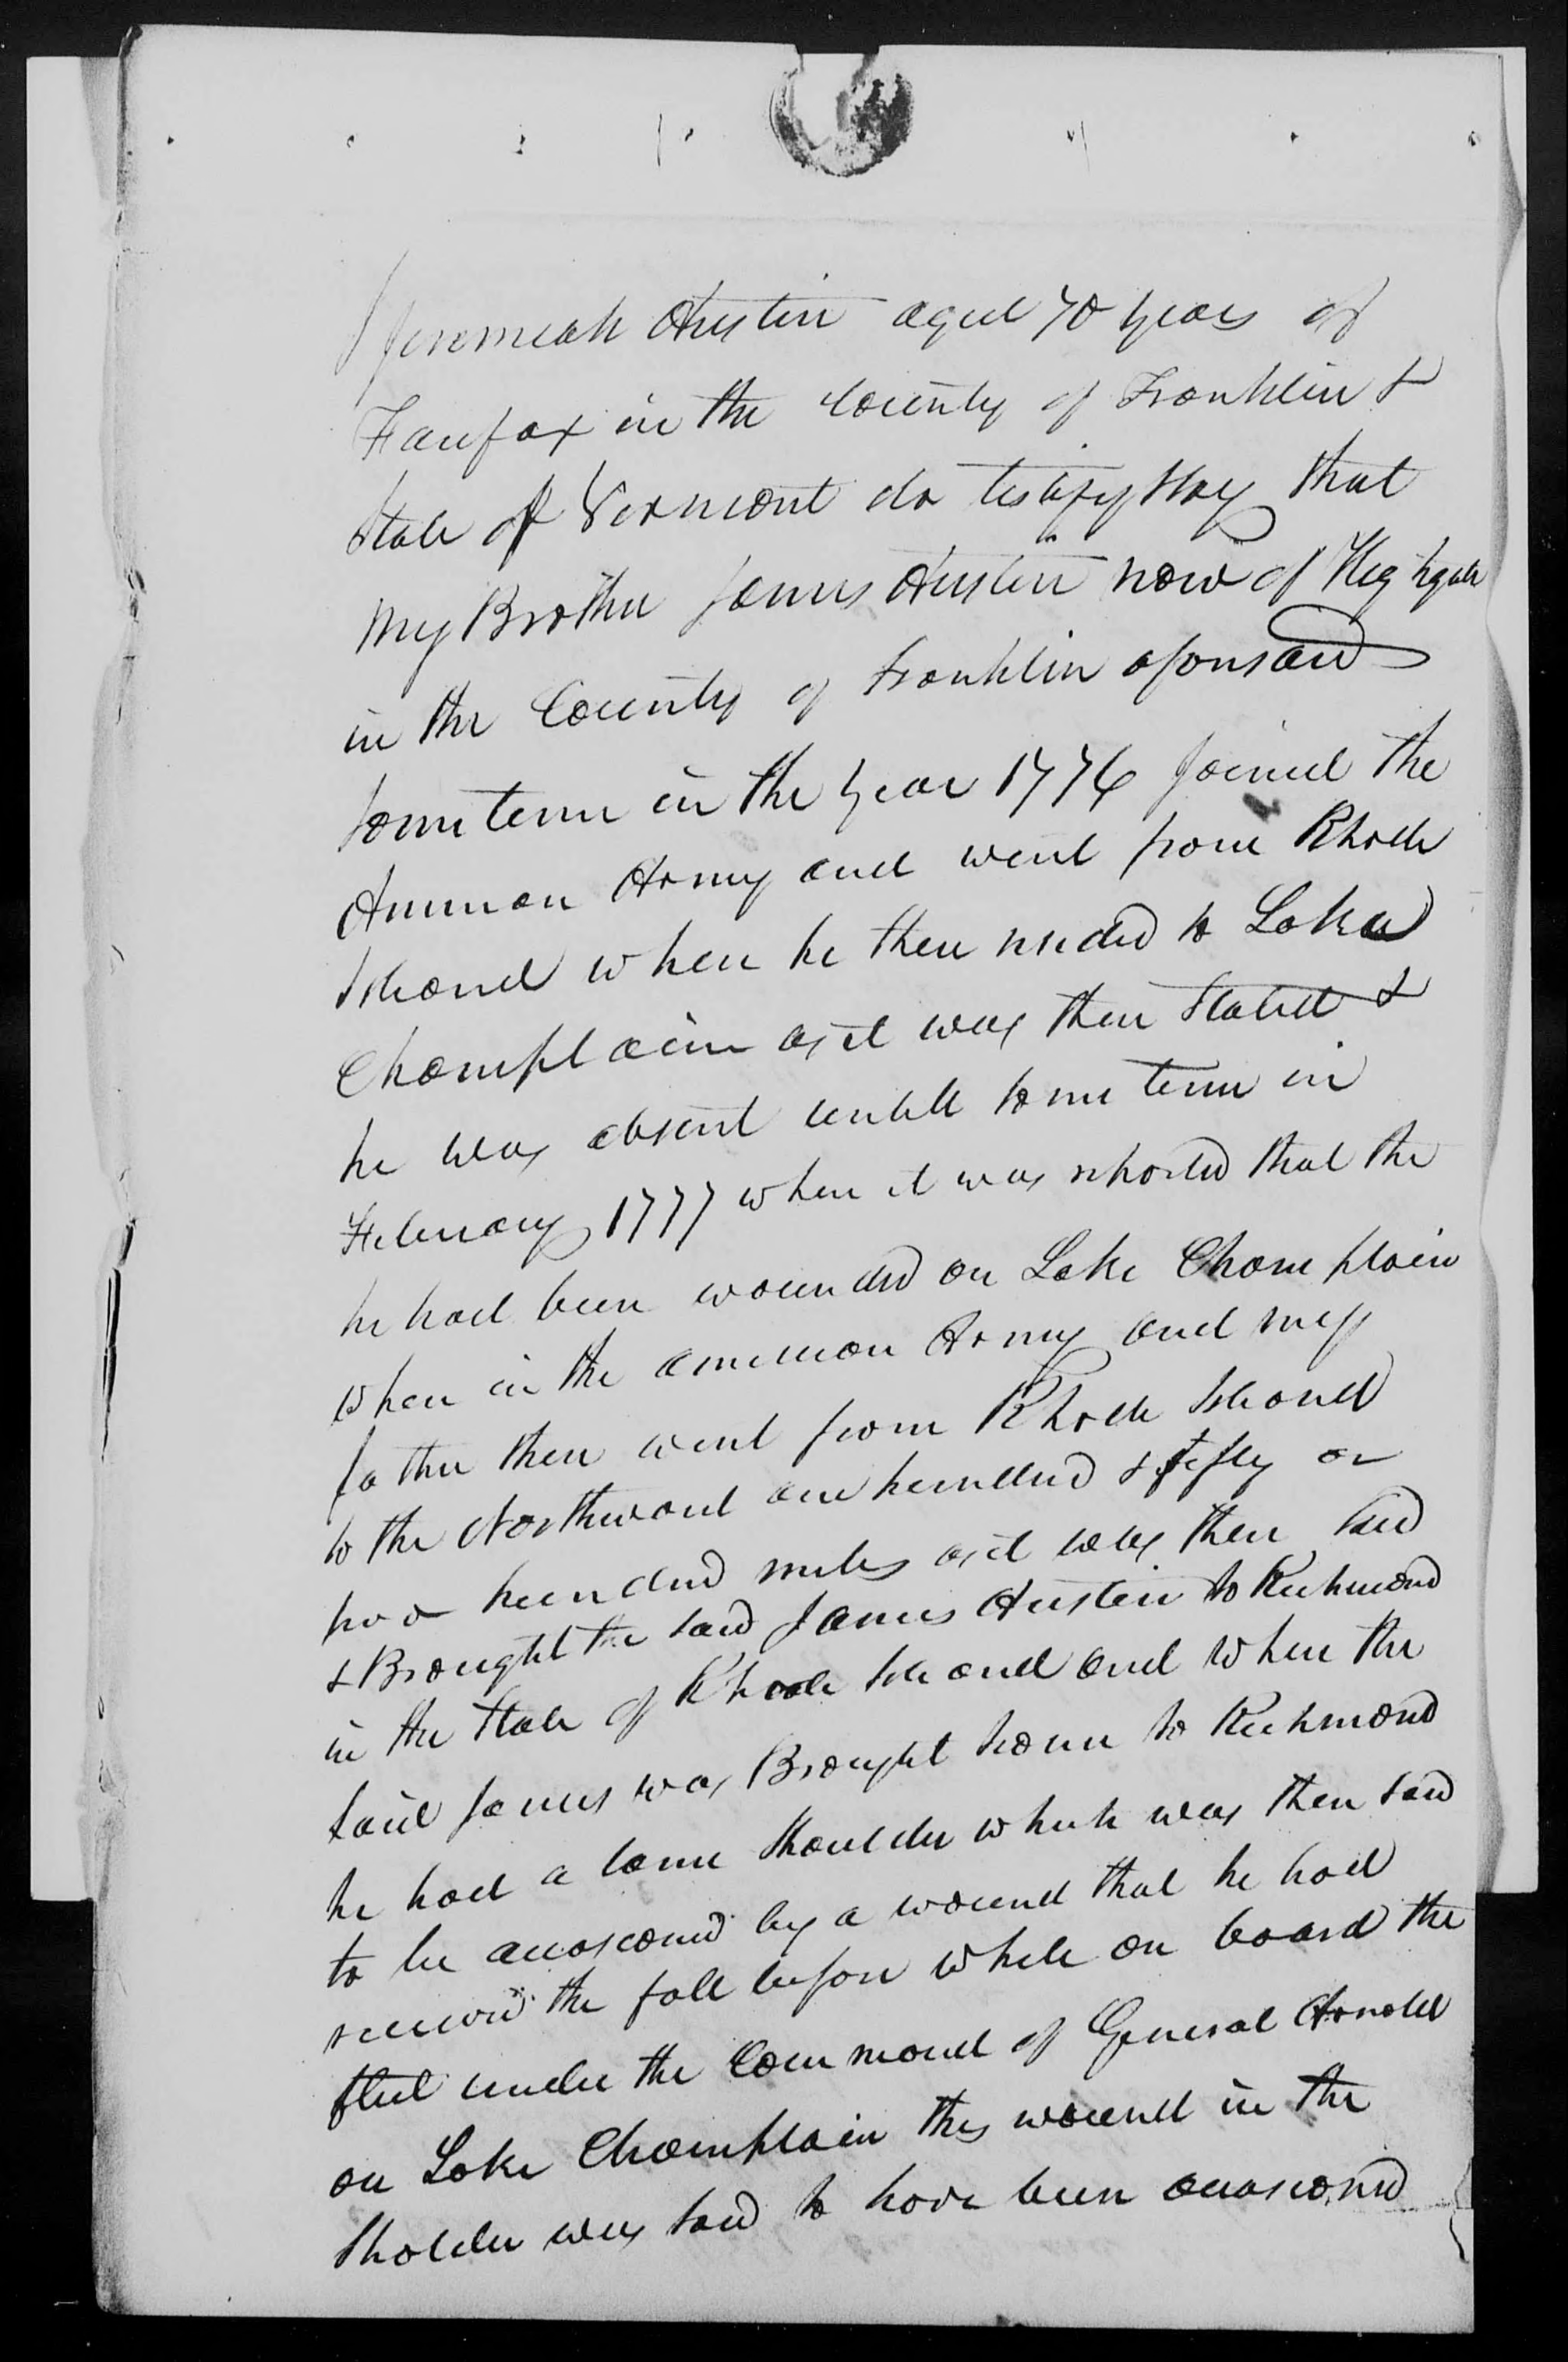I Jeremiah Austin aged 70 years of Fairfax in the County of Franklin & State of Vermont do testify today that my Brother James Austin now of Highgate in the County of Franklin aforesaid sometime in the year 1776 joined the American Army and went from Rhode Island where he then resided to Lake Champlain as it was their [illegible] & he was absent until some time in February 1777 when it was reported that the he had been wounded on Lake Champlain when in the American Army and said father then went from Rhode Island to the Northwest one hundred & fifty or to a hundred miles and it was there said & brought the said James Austin to Richmond in the State of Rhode Island and where the said James was Brought home to Richmond to have a lame shoulder which was then said to be account by a wound that he had occurred the fall before while on board the fleet under the command of General Arnold on Lake Champlain the wound in the shoulder was said to have been occassioned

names: James Austin, James, Arnold, James Austin, Jeremiah Austin, Champlain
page: 15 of 100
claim: survivor's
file: S 19186, James Austin, Conn. New York R.I.